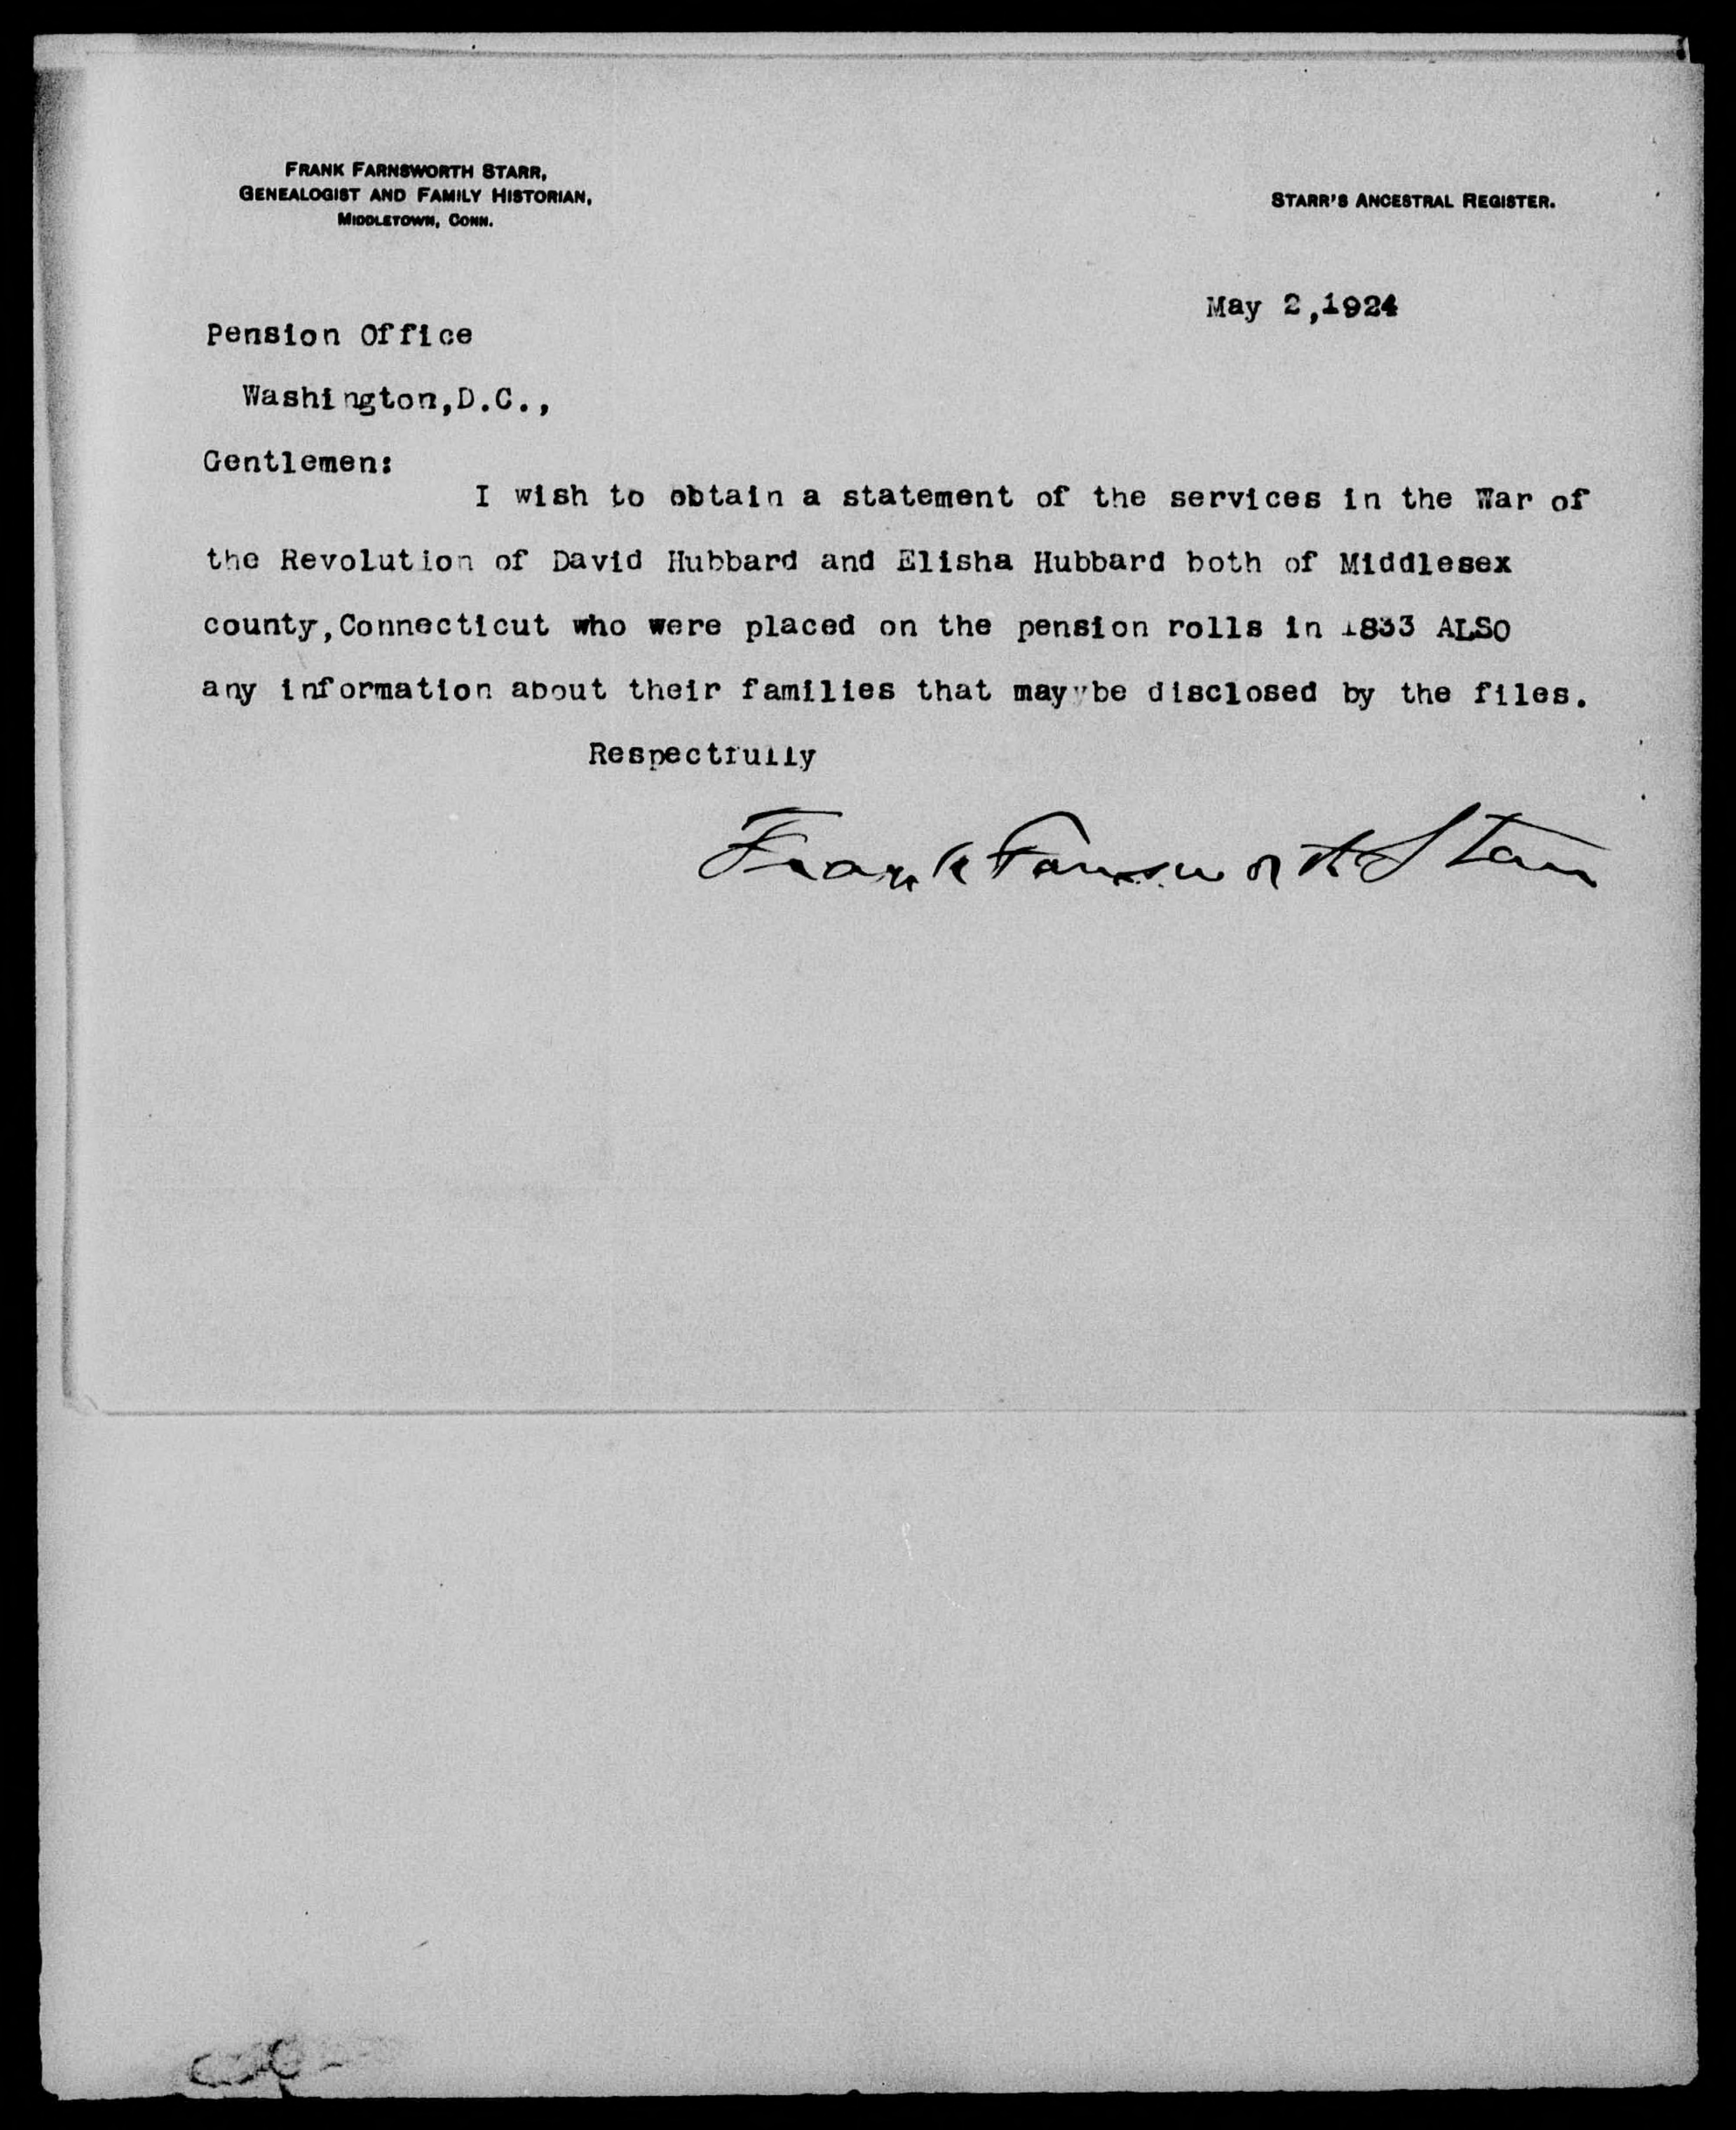[printed letterhead]

Frank Farnsworth Starr,
Genealogist and Family Historian
Middletown, Conn.
Starr’s Ancestral Register.

[typed]
May 2, 1924

Pension Office
Washington, D. C., 

Gentlemen:
I wish to obtain a statement of the services in the War of the Revolution of David Hubbard and Elisha Hubbard both of Middlesex county, Connecticut who were placed on the pension rolls in 1833  ALSO any information about their families that may be disclosed by the files. 
Respectfully
[signed] Frank Farnsworth Starr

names: Frank Farnsworth Starr, David Hubbard, Elisha Hubbard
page: 23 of 63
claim: survivor's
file: S. 18457, Elisha Hubbard, Conn. Continental